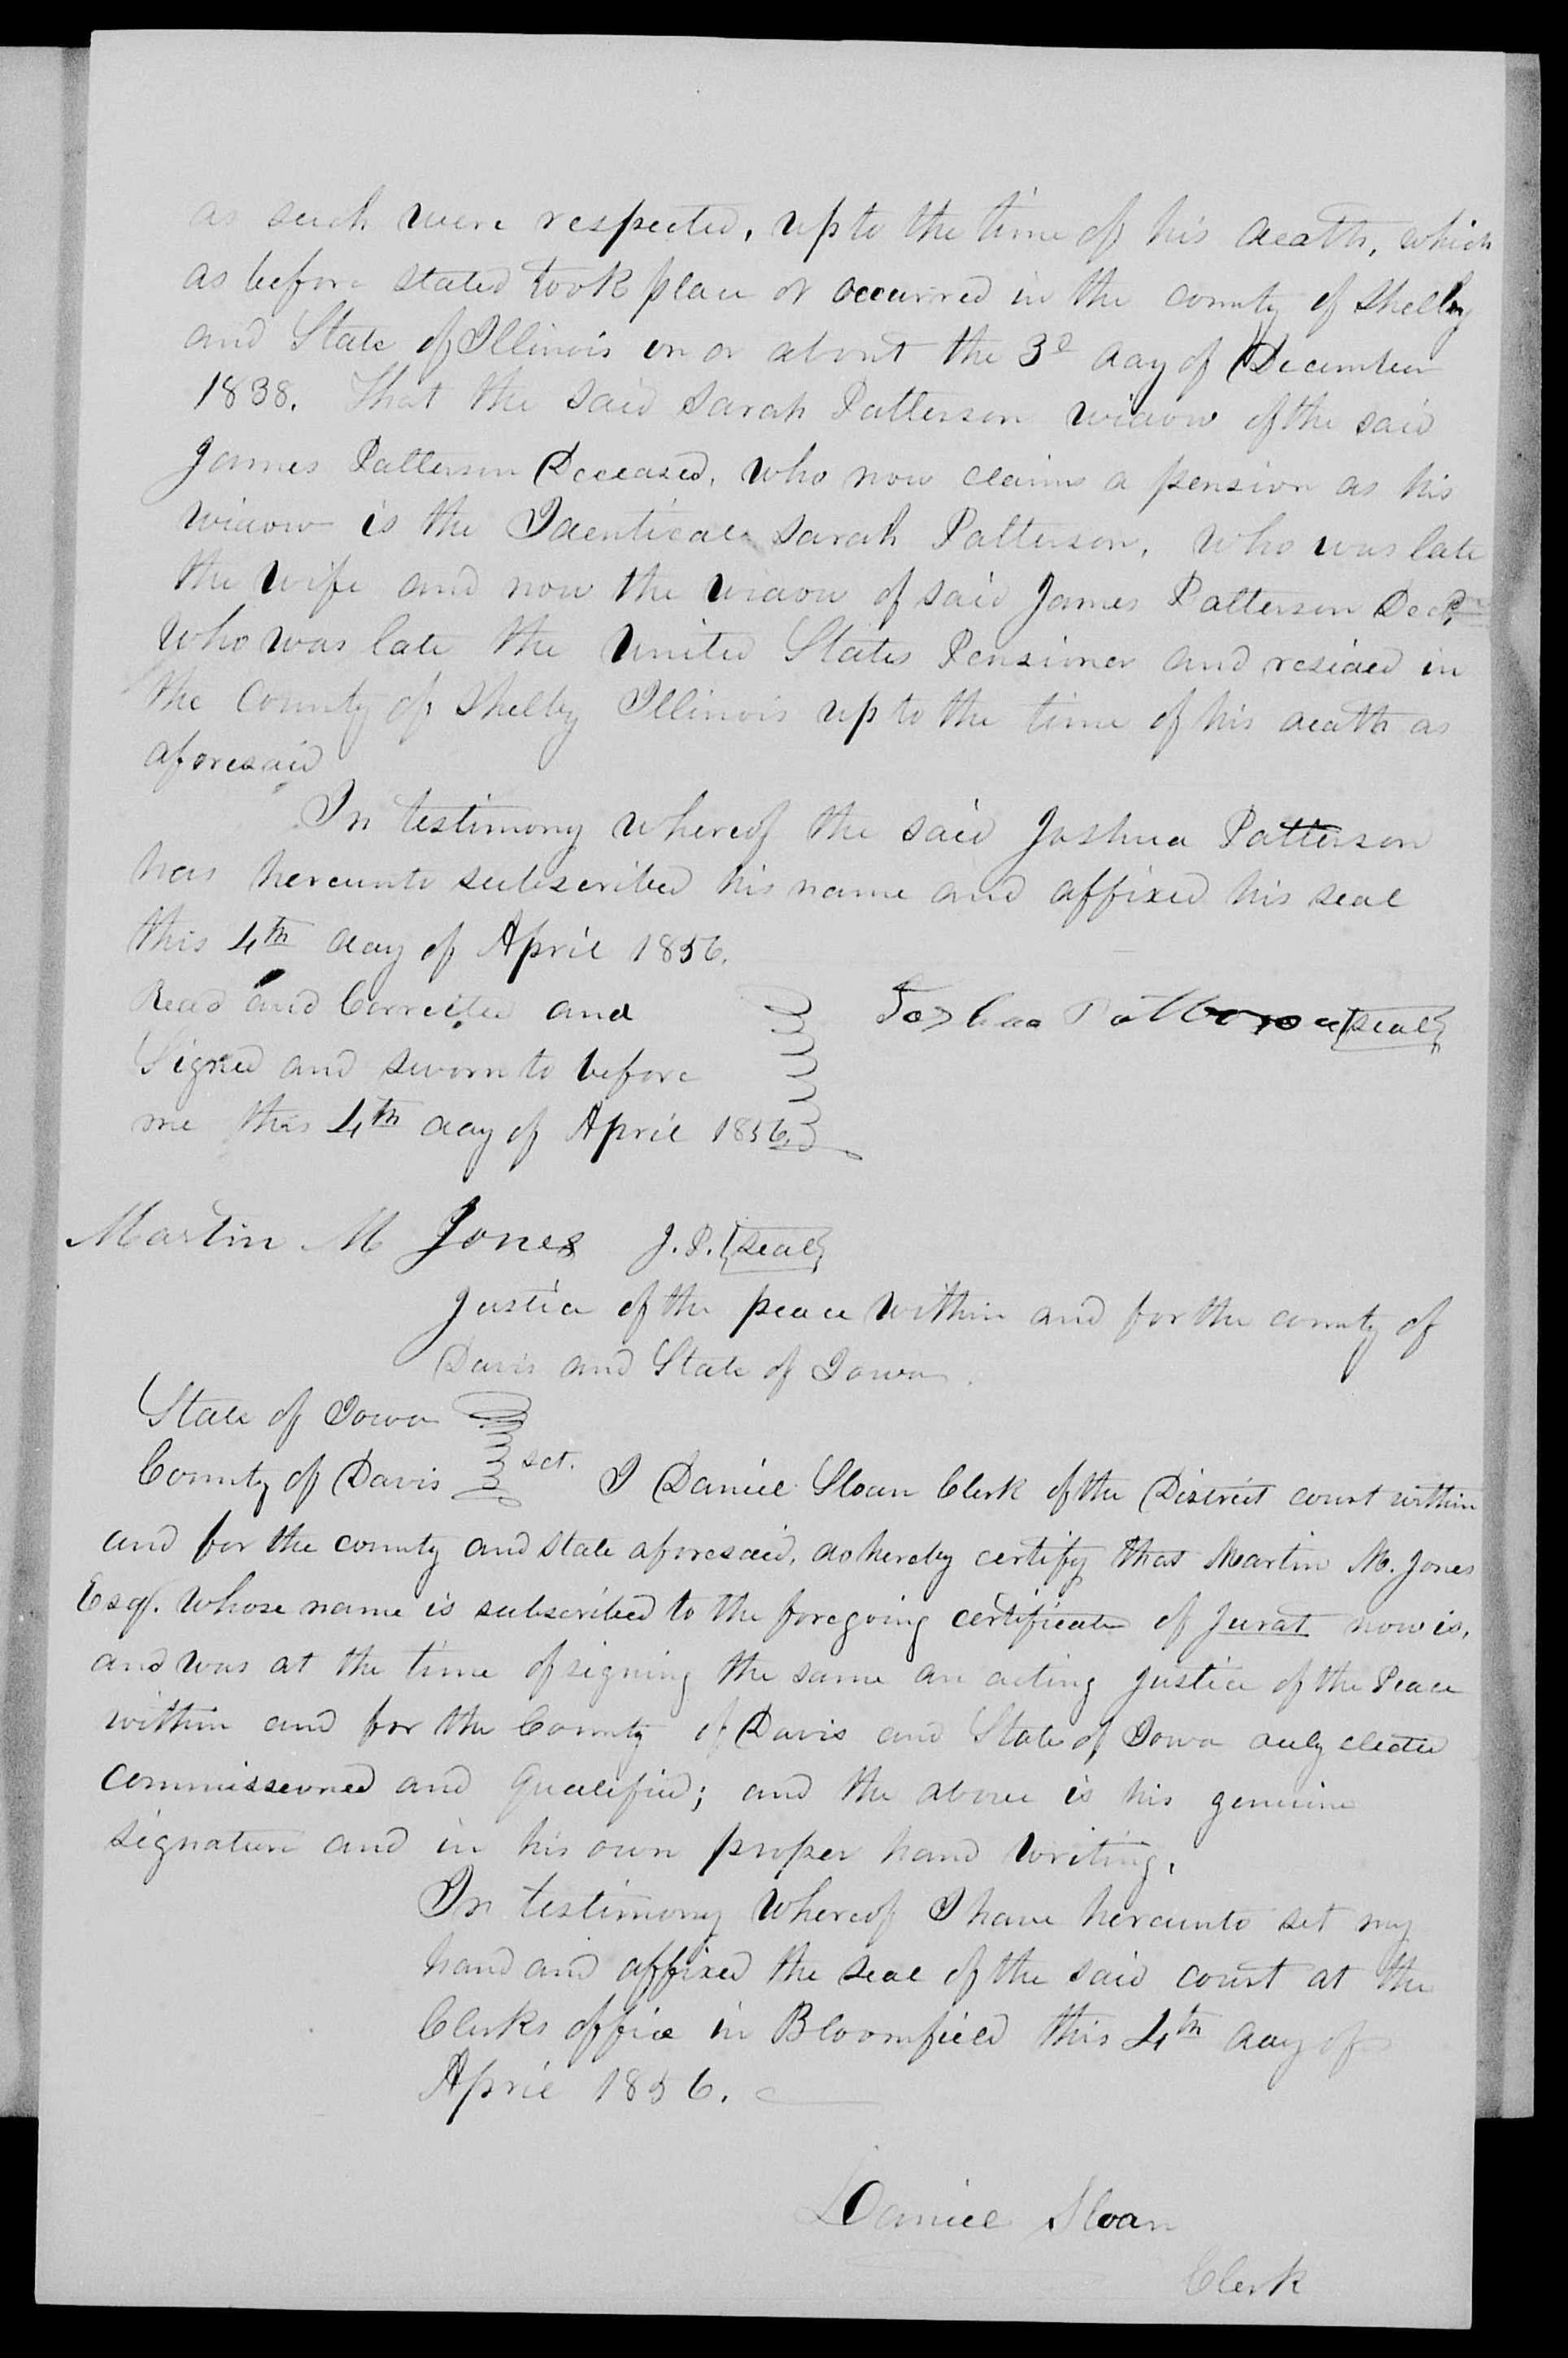as such were respected, up to the time of his death, which as before stated took place or occurred in the County of Shelley and State of Illinois on or about the 3rd day of December 1838. That the said Sarah Patterson widow of the said James Patterson Deceased, who now claims a pension as his widow is the Identical Sarah Patterson, who was late the wife and now the widow of said James Patterson Decd who was late the United States Pensioner and resided in the County of Shelly Illinois up to the time of his death as aforesaid.
In testimony whereof the said Joshua Patterson has hereunto subscribed his name and affixed his seal this 4th day of April 1856.
Read and Corrected and         } Joshua Patterson [seal] 
Signed and sworn to before   }
me this 4th day of April 1856. }
Martin M Jones J.P. [seal]
Justice of the peace within and for the County of Davis and State of Iowa.
State of Iowa }
County of Davis } Act.
I Daniel Sloan Clerk of the District Court within and for the County and State aforesaid, do hereby certify that Martin M. Jones [illegible Eosq.] whose name is subscribed to the foregoing certificate of Jurat now is, and was at the time of signing the same an acting Justice of the Peace within and for the County of Davis and State of Iowa duly elected commissioned and qualified; and the above is his genuine signature and in his own proper hand writing,
In testimony whereof I have hereunto set my hand and affixed the seal of the said Court at the Clerks office in Bloomfield this 4th day of April 1856.
Daniel Sloan 
Clerk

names: Joshua Patterson; Martin M Jones; Daniel Sloan; James Patterson; Sarah Patterson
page: 8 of 69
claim: widow's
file: W. 10861, for James Patterson, North Carolina